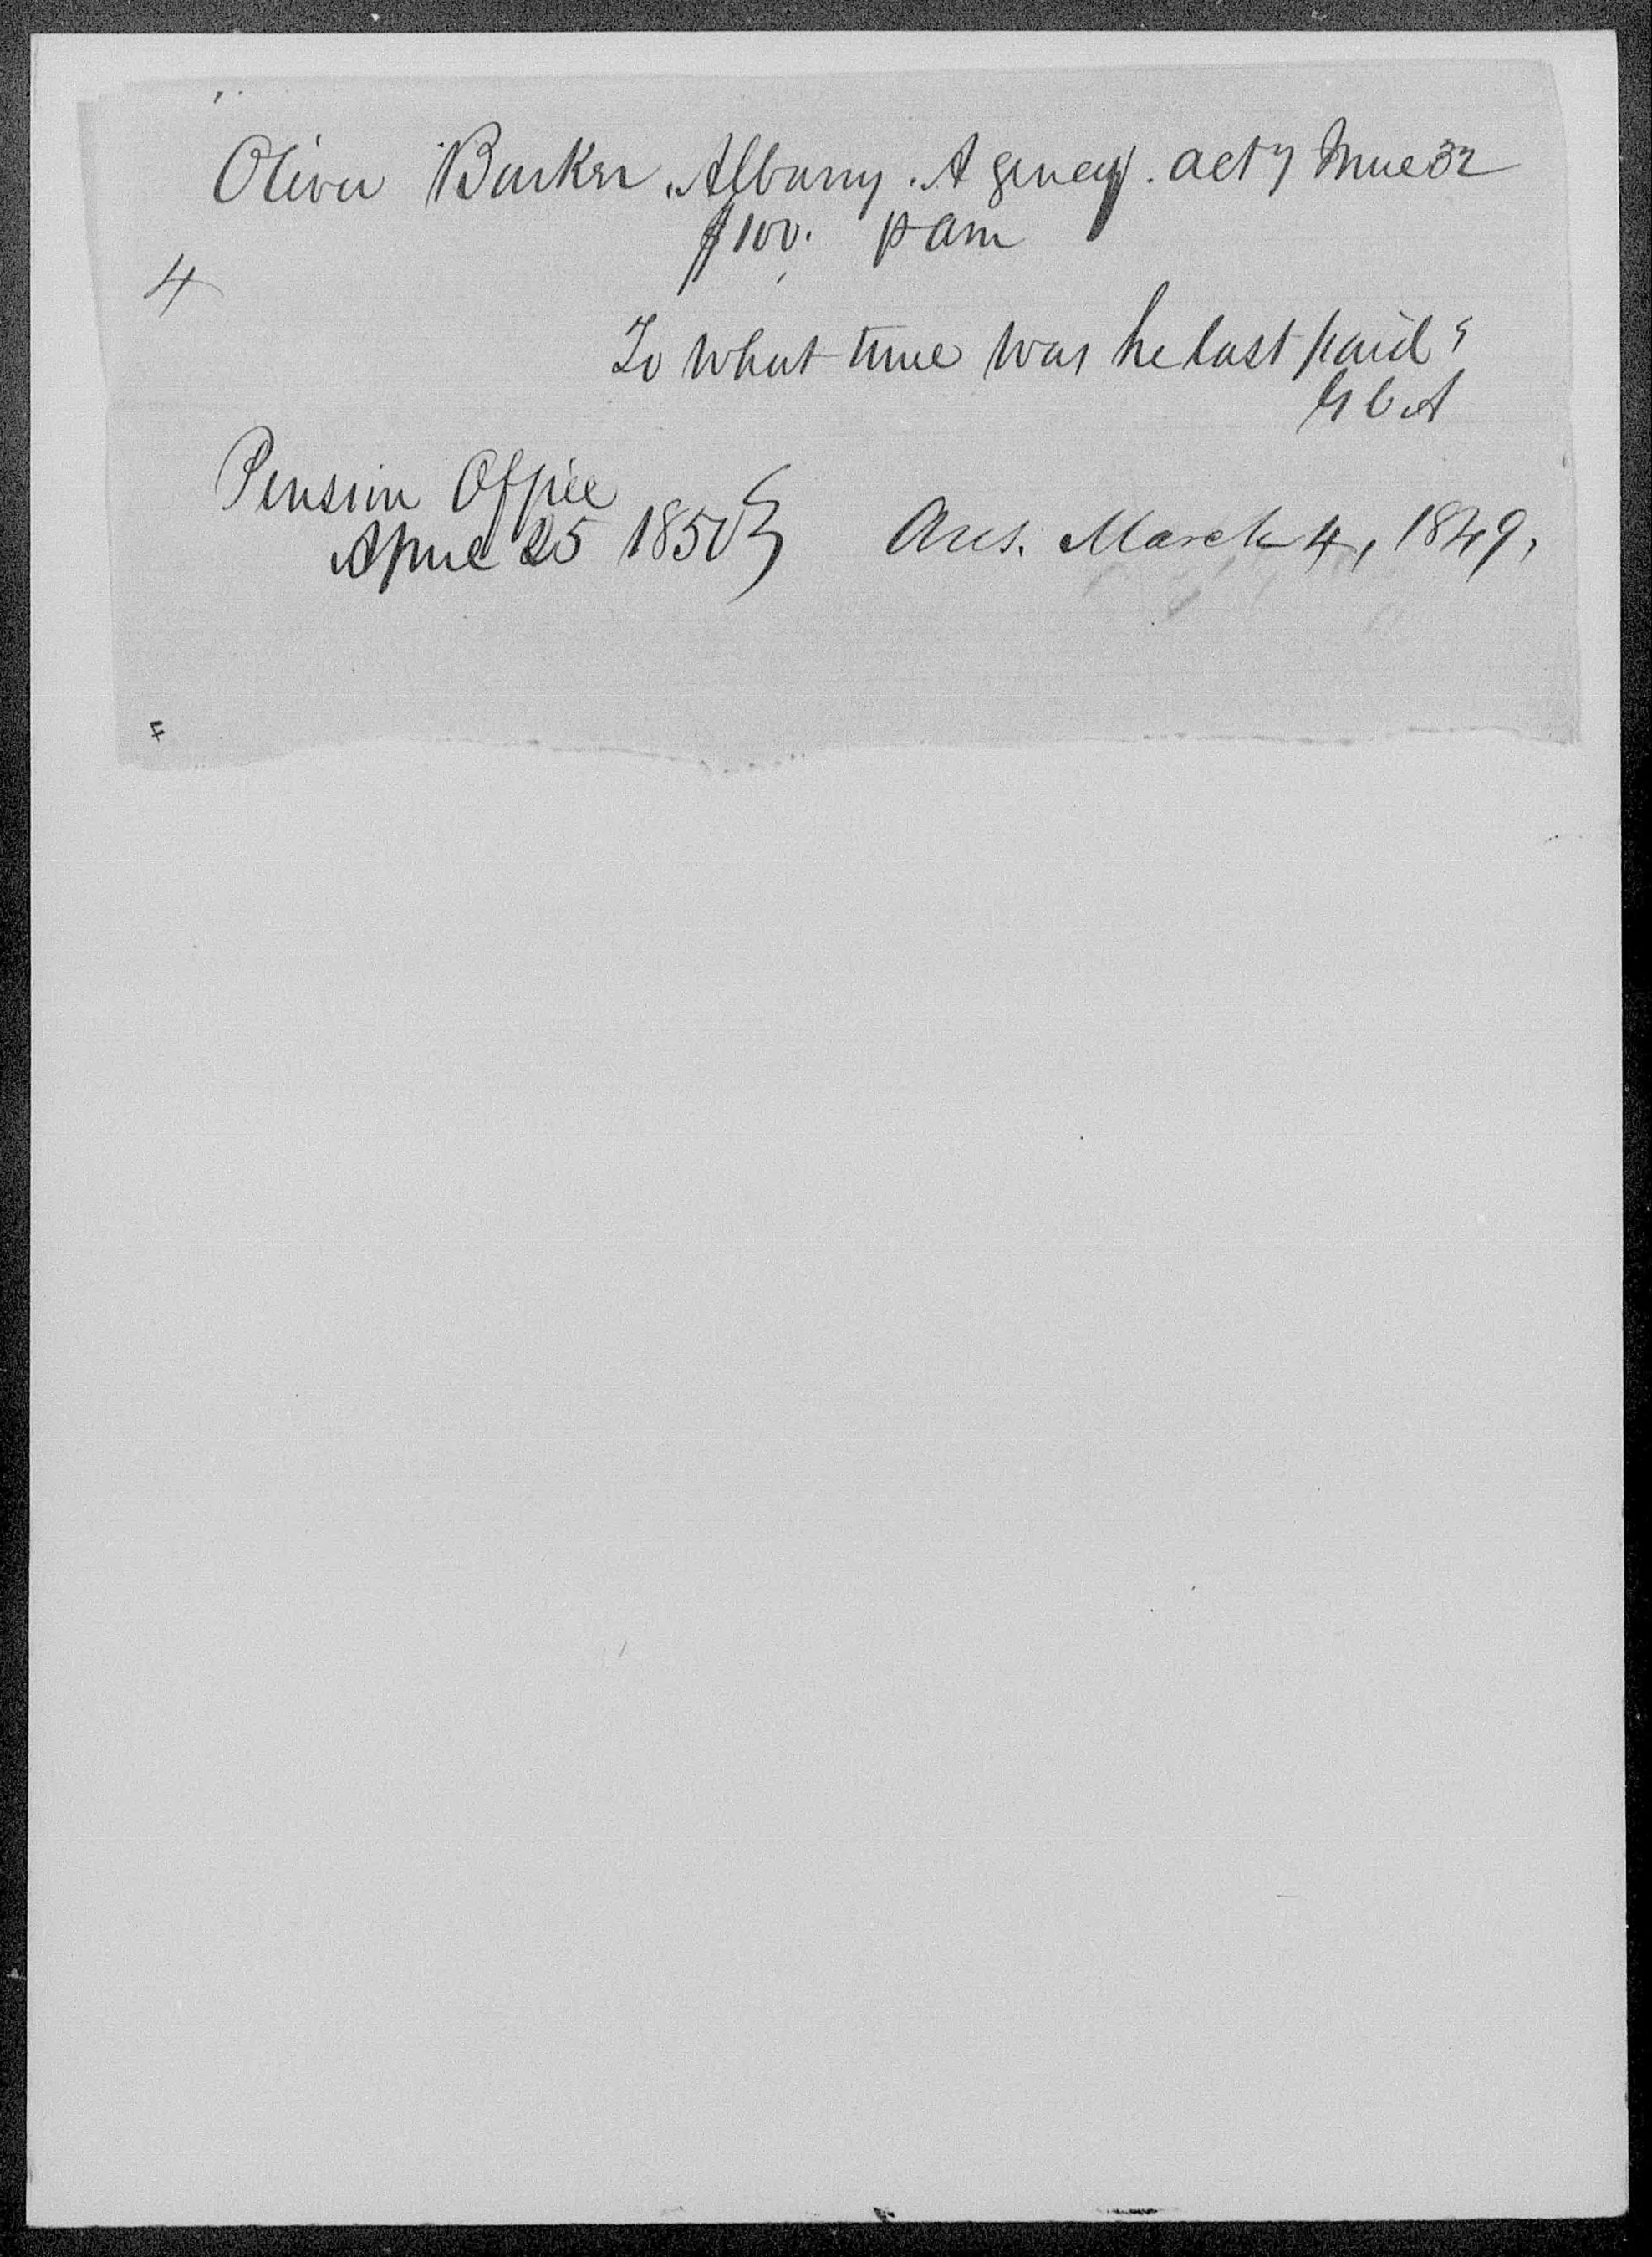Oliver Barker Albany Agency Act 7 June 32 
$100. P an [per annum] 
To what time was he last paid? MGA
Ga Ans. March 4, 1849,
Pension Office 
April 25 1850
Ans: March 4 1849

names: Oliver Barker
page: 29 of 51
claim: widow's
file: W. 1698, Oliver Barker, Conn.